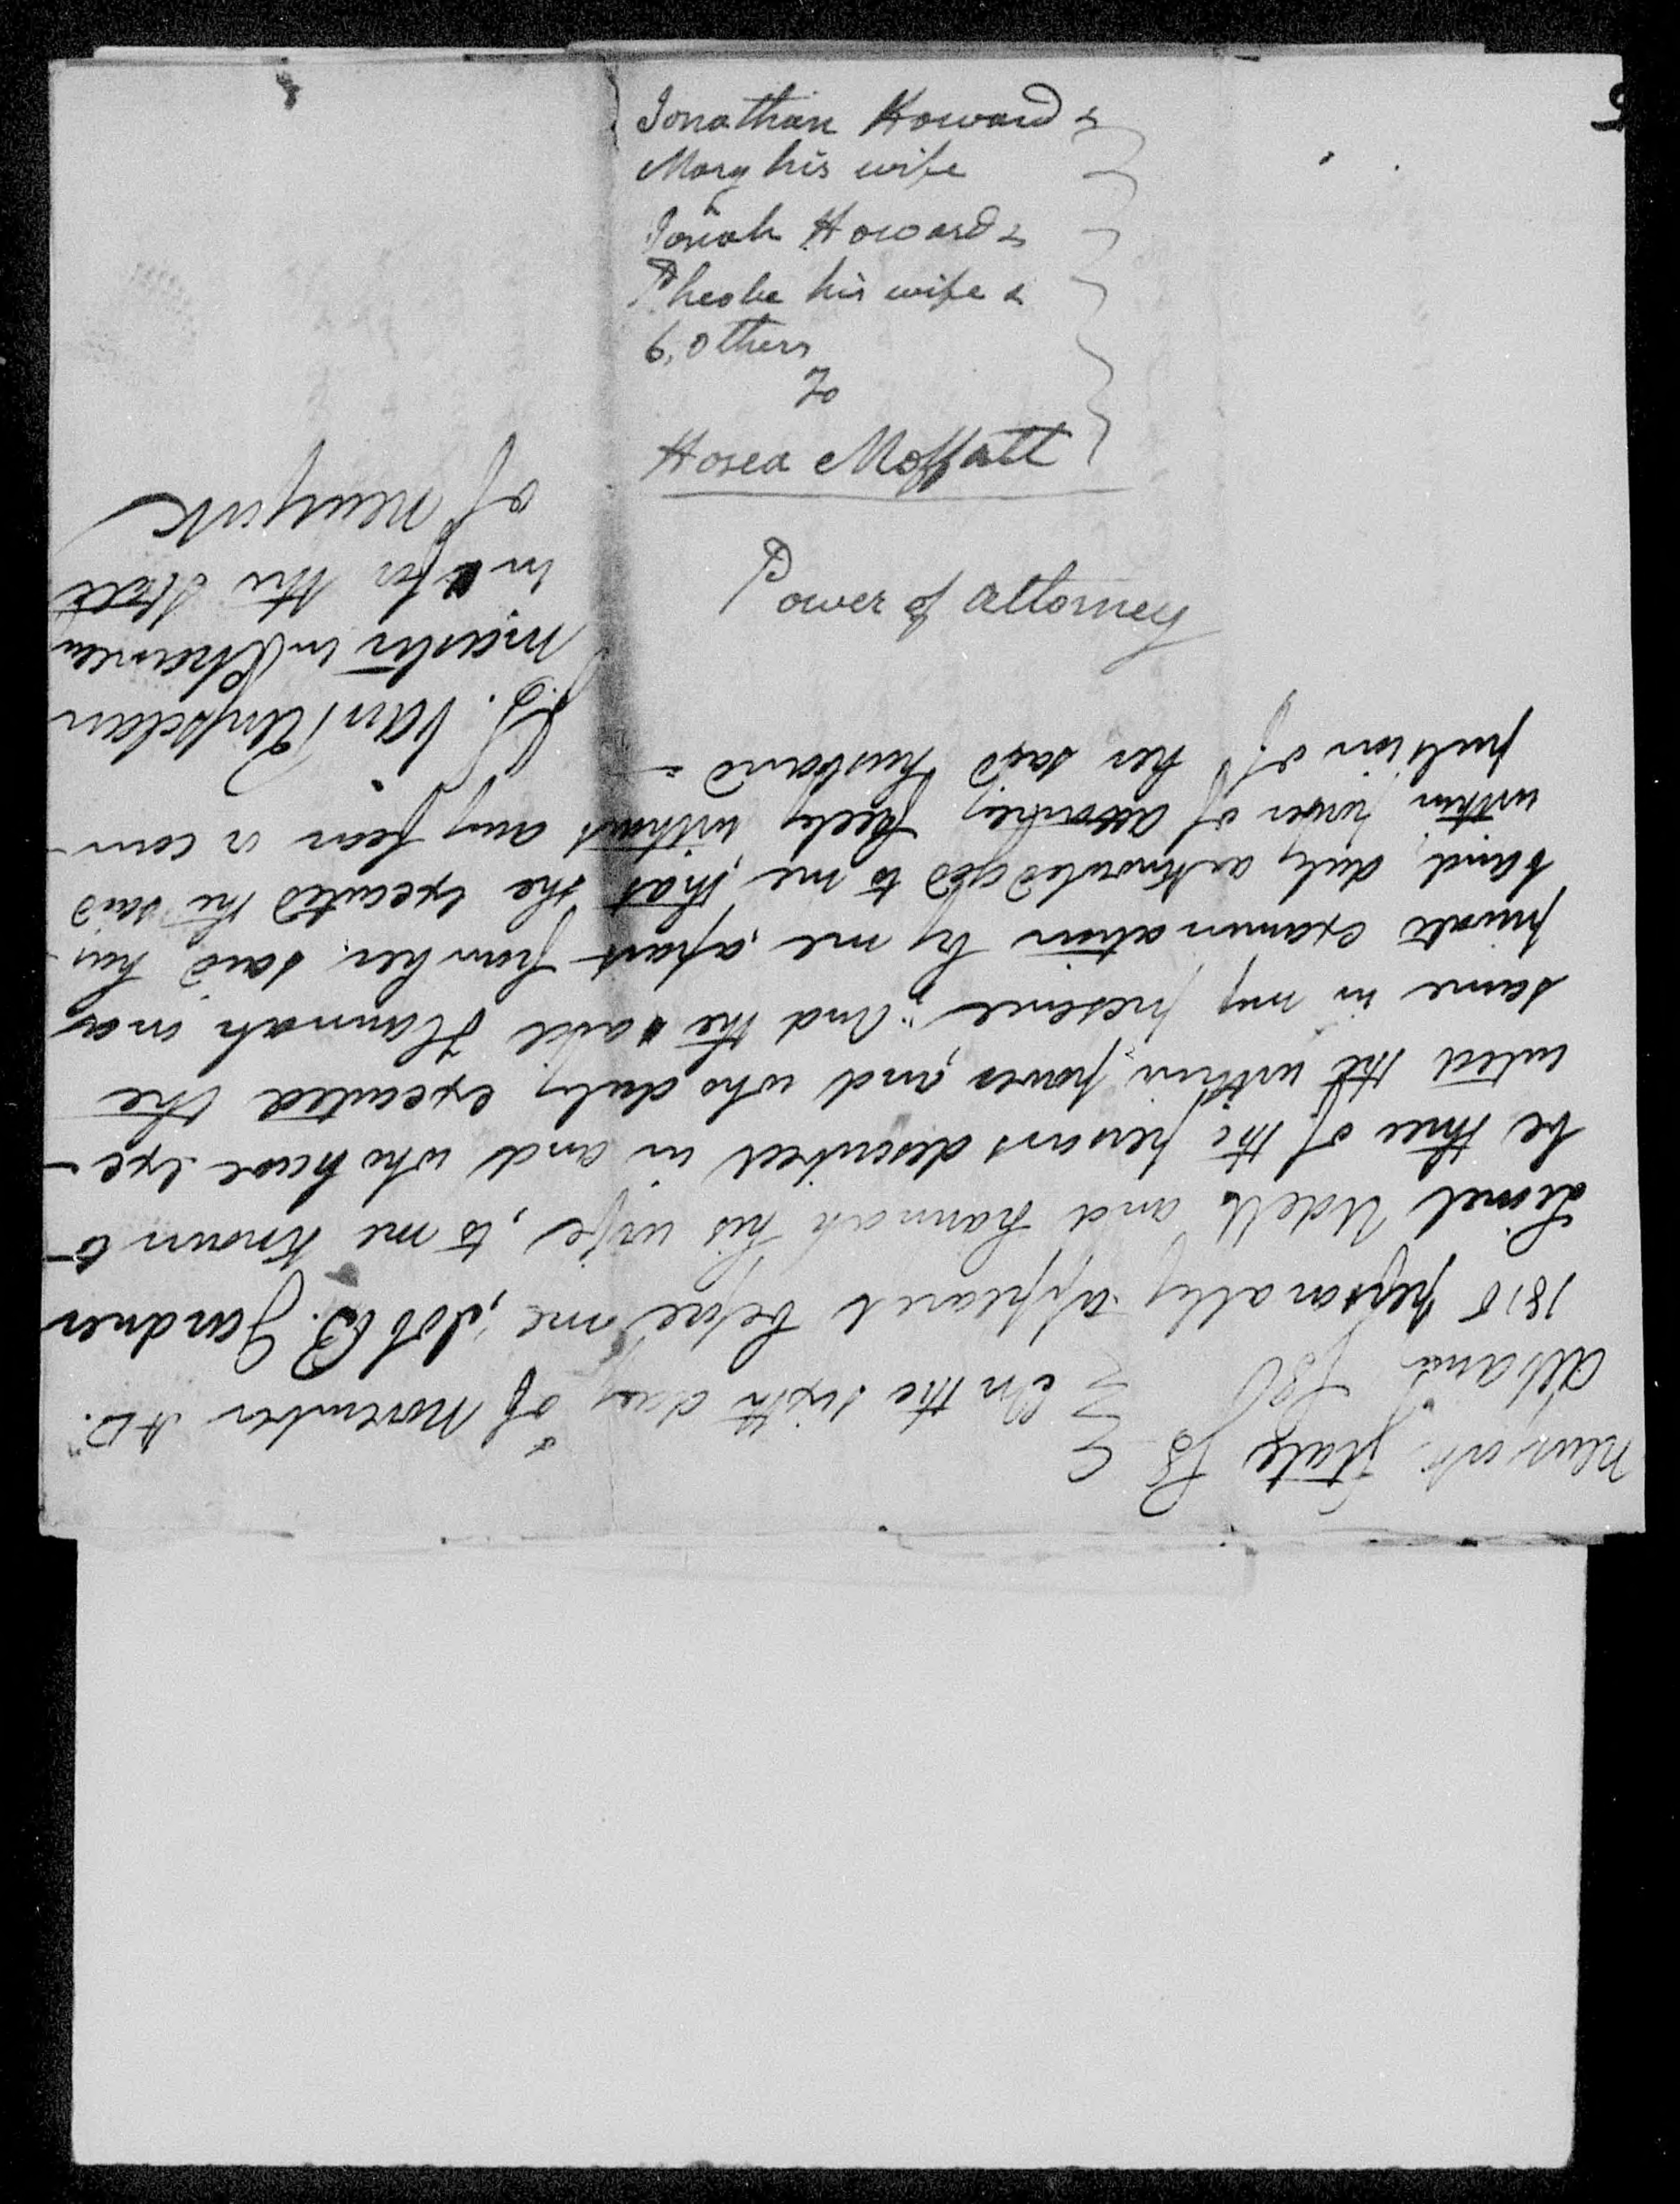Jonathan Howard 
Mary his wife 
Josiah Howard 
Pheobe his wife & 
6, others 
To Hosea Moffatt 
Power of attorney

New York State ss.
Albany ss.  On the sixth day of November A.D. 1816 personally appeared before me, Job B. Gardner Lionel Udell and hannah his wife, to me known to be three of the persons described in and who have executed the within powers, and who duly executed the same in my presence And the said Hannah was private examination by me, apart from her said husband, duly acknowledged to me, that she executed the said within power of attorney freely without any fear of compulsion of her said husband –
[signed] G. Van Rensselaer master in Chancellor in & for the State of New York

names: Pheobe, Lionel Udell, Hannah, Mary, Hannah, J S Van Rensselaer, Hosea Moffatt, Josiah Howard, Jonathan Howard, Job B Gardner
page: 7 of 18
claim: bounty land warrant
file: B. L. Wt. 668-200, James Gardner, Continental Artillery Parents Of N.Y.